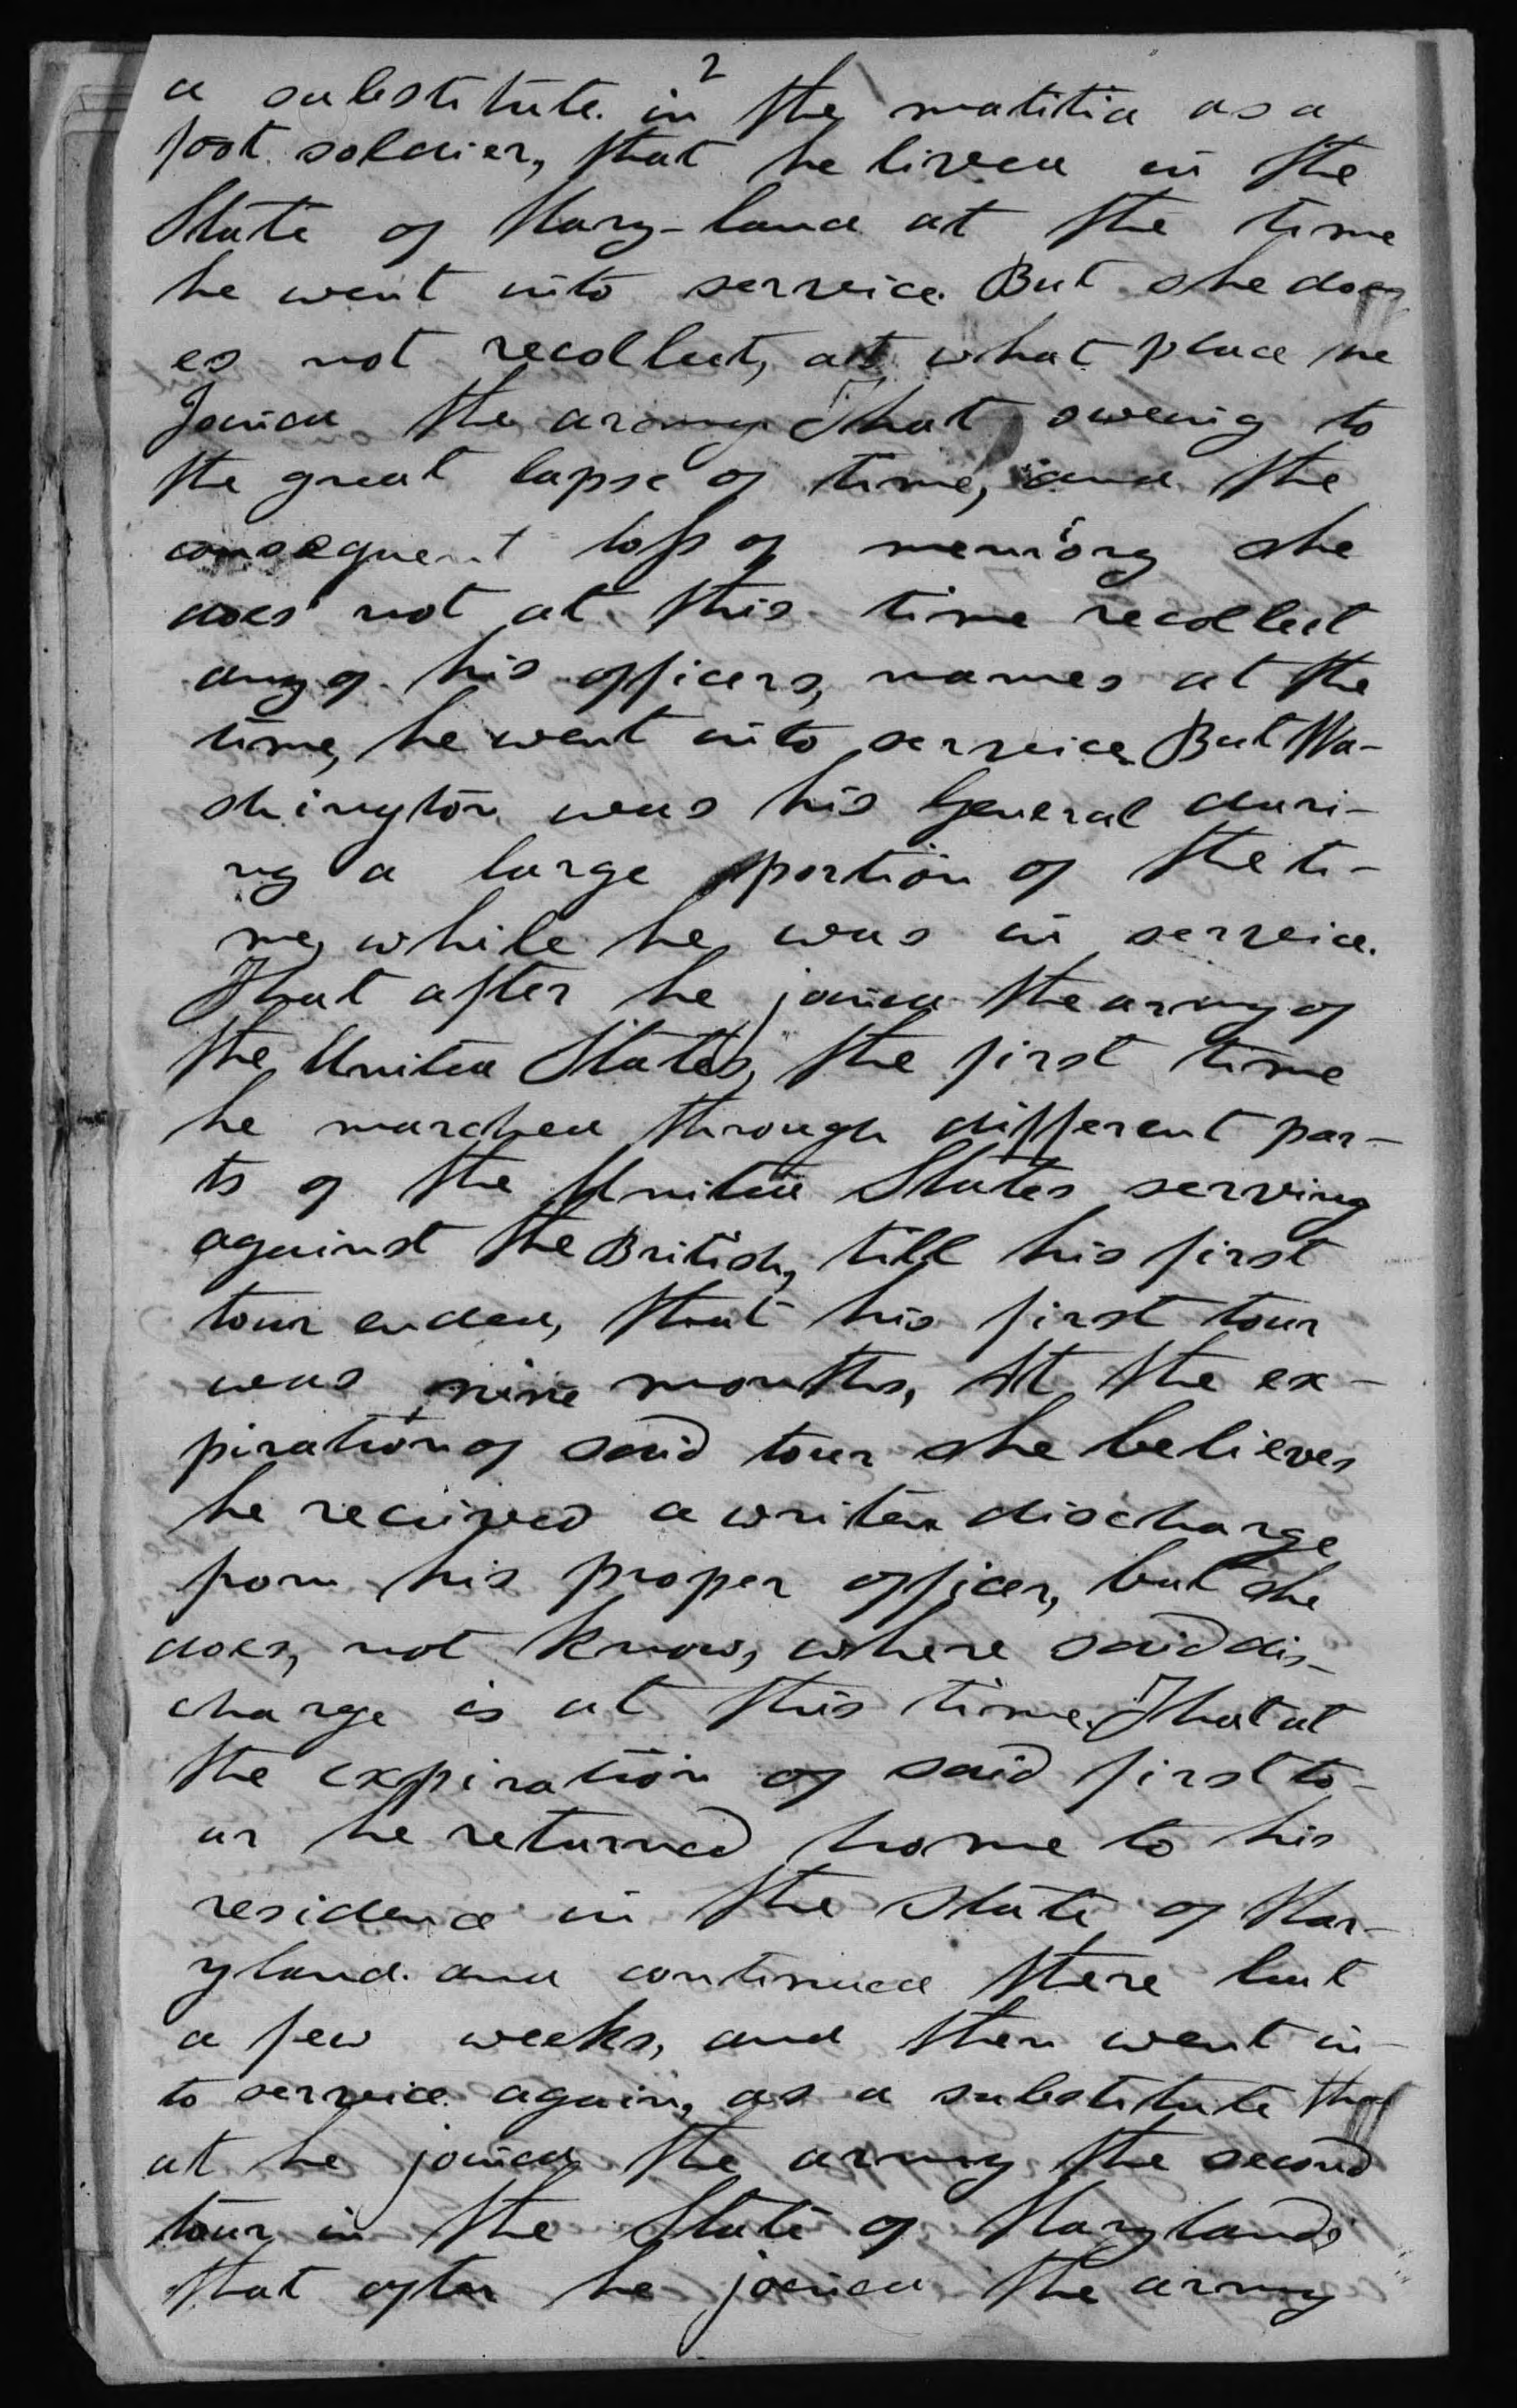2
a substitute in the malitia [militia] as a 
foot soldier; that he lived in the 
State of Maryland at the time 
he went into service, but she do
es not recollect, at what place he 
joined the army.  That oweing [owing] to 
the great lapse of time, and the 
consequent loss of memory she 
does not at this time recollect 
any of his officers, names at the 
time he went into service, but Wa
shington was his General duri
ng a large portion of the ti
me, while he was in service. 
That after he joined the army of 
the United States, the first time 
he marched through different par
ts of the United States serving 
against the British till his first 
tour ended, that his first tour 
was nine months.  At the ex
piration of said tour she believes 
he received a writen [written] discharge 
from his proper officer, but she 
does not know, where said dis
charge is at this time.  That at 
the expiration of said first to
ur he returned home to his 
residence in the State of Mar
yland and continued there but 
a few weeks, and then went in
to service again, as a substitute th
at he joined the army the second 
tour in the State of Maryland; 
that after he joined the army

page: 24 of 76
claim: widow's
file: W. 83, Albert Hendricks, Continental Md. N.C.